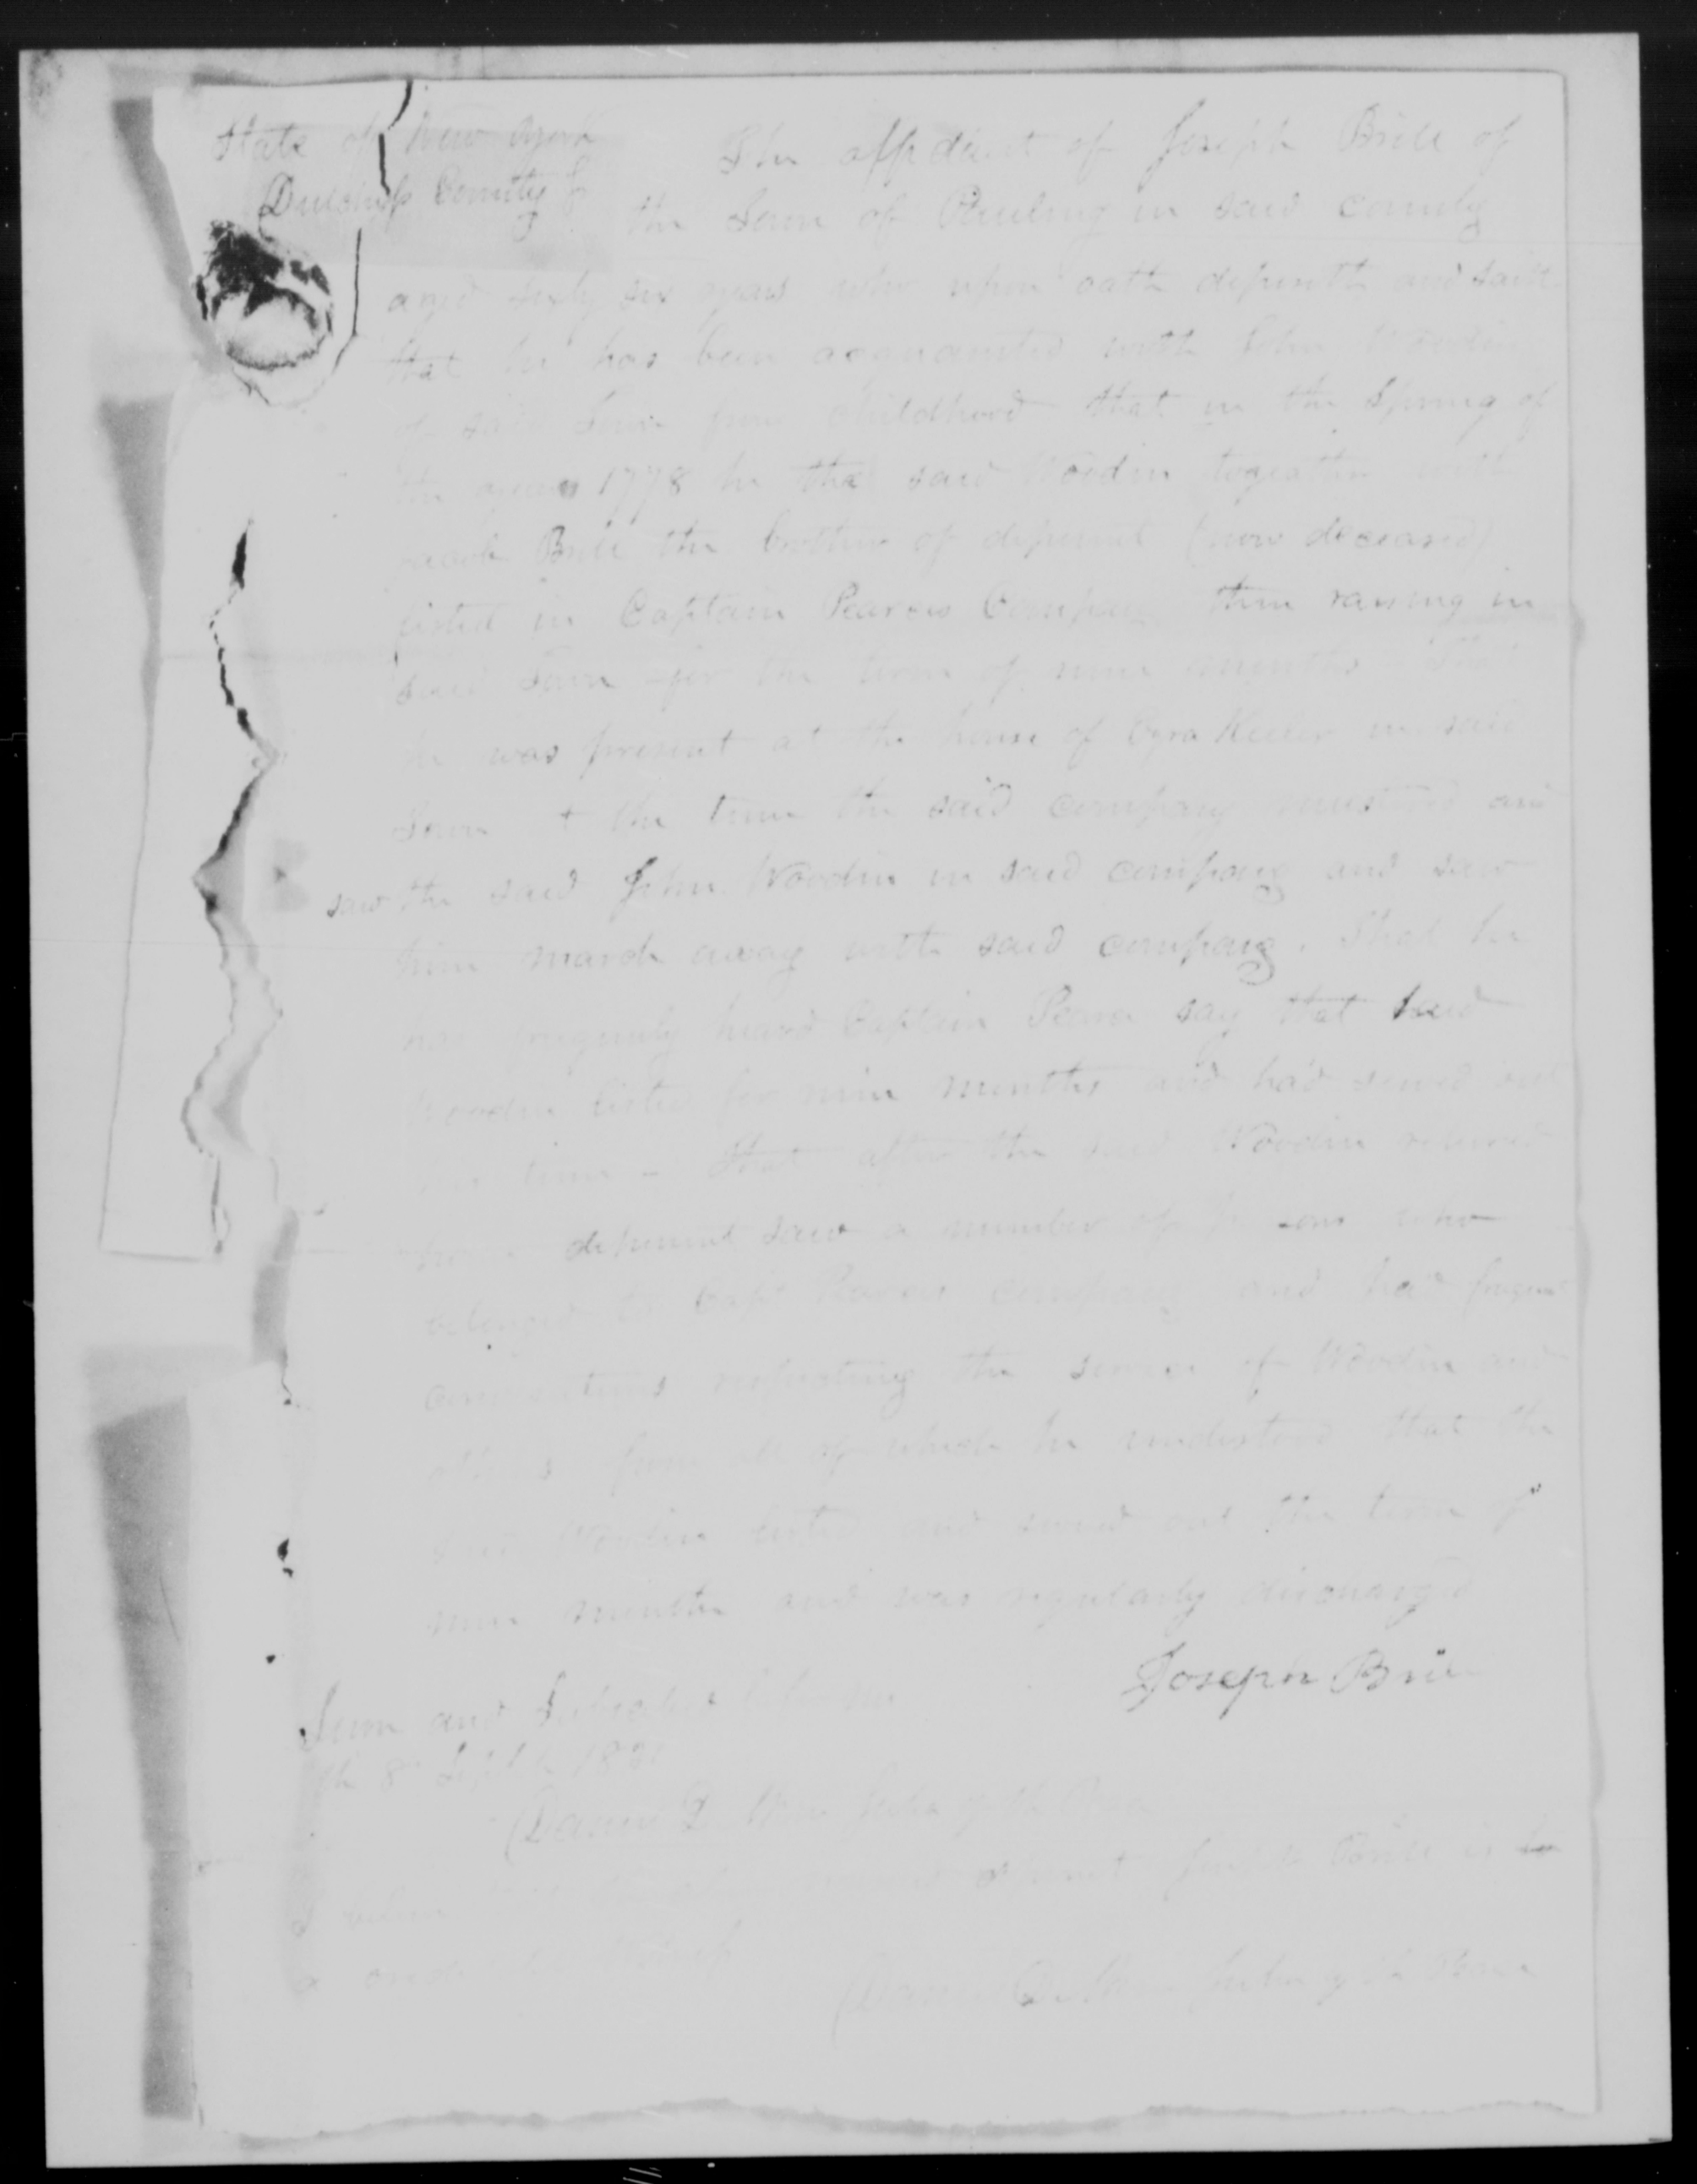State New York
Dutchess County SS  The affidavit of Joseph Brill of the Town of Pawling in said County aged sixty six years who under oath deposeth and saith that he has been acquainted with John Woodin [illegible] that in the spring of the year 1778 he the said Woodin together with [illegible]  the brother of deponent now deceased enlisted in Captain Pearses Company then raising in [illegible] for the term of nine months [illegible] he was present at the house [?] of [illegible] in said [illegible] at the time the said Company [illegible] saw the said John Woodin in said company and saw him march away with said company.  that he – [illegible] nine months 
[REMAINDER OF PAGE IS ESSENTIALLY ILLEGIBLE]
[signed] Joseph Brill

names: Joseph Binn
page: 31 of 77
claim: widow's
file: W. 19658, John Woodin, New York